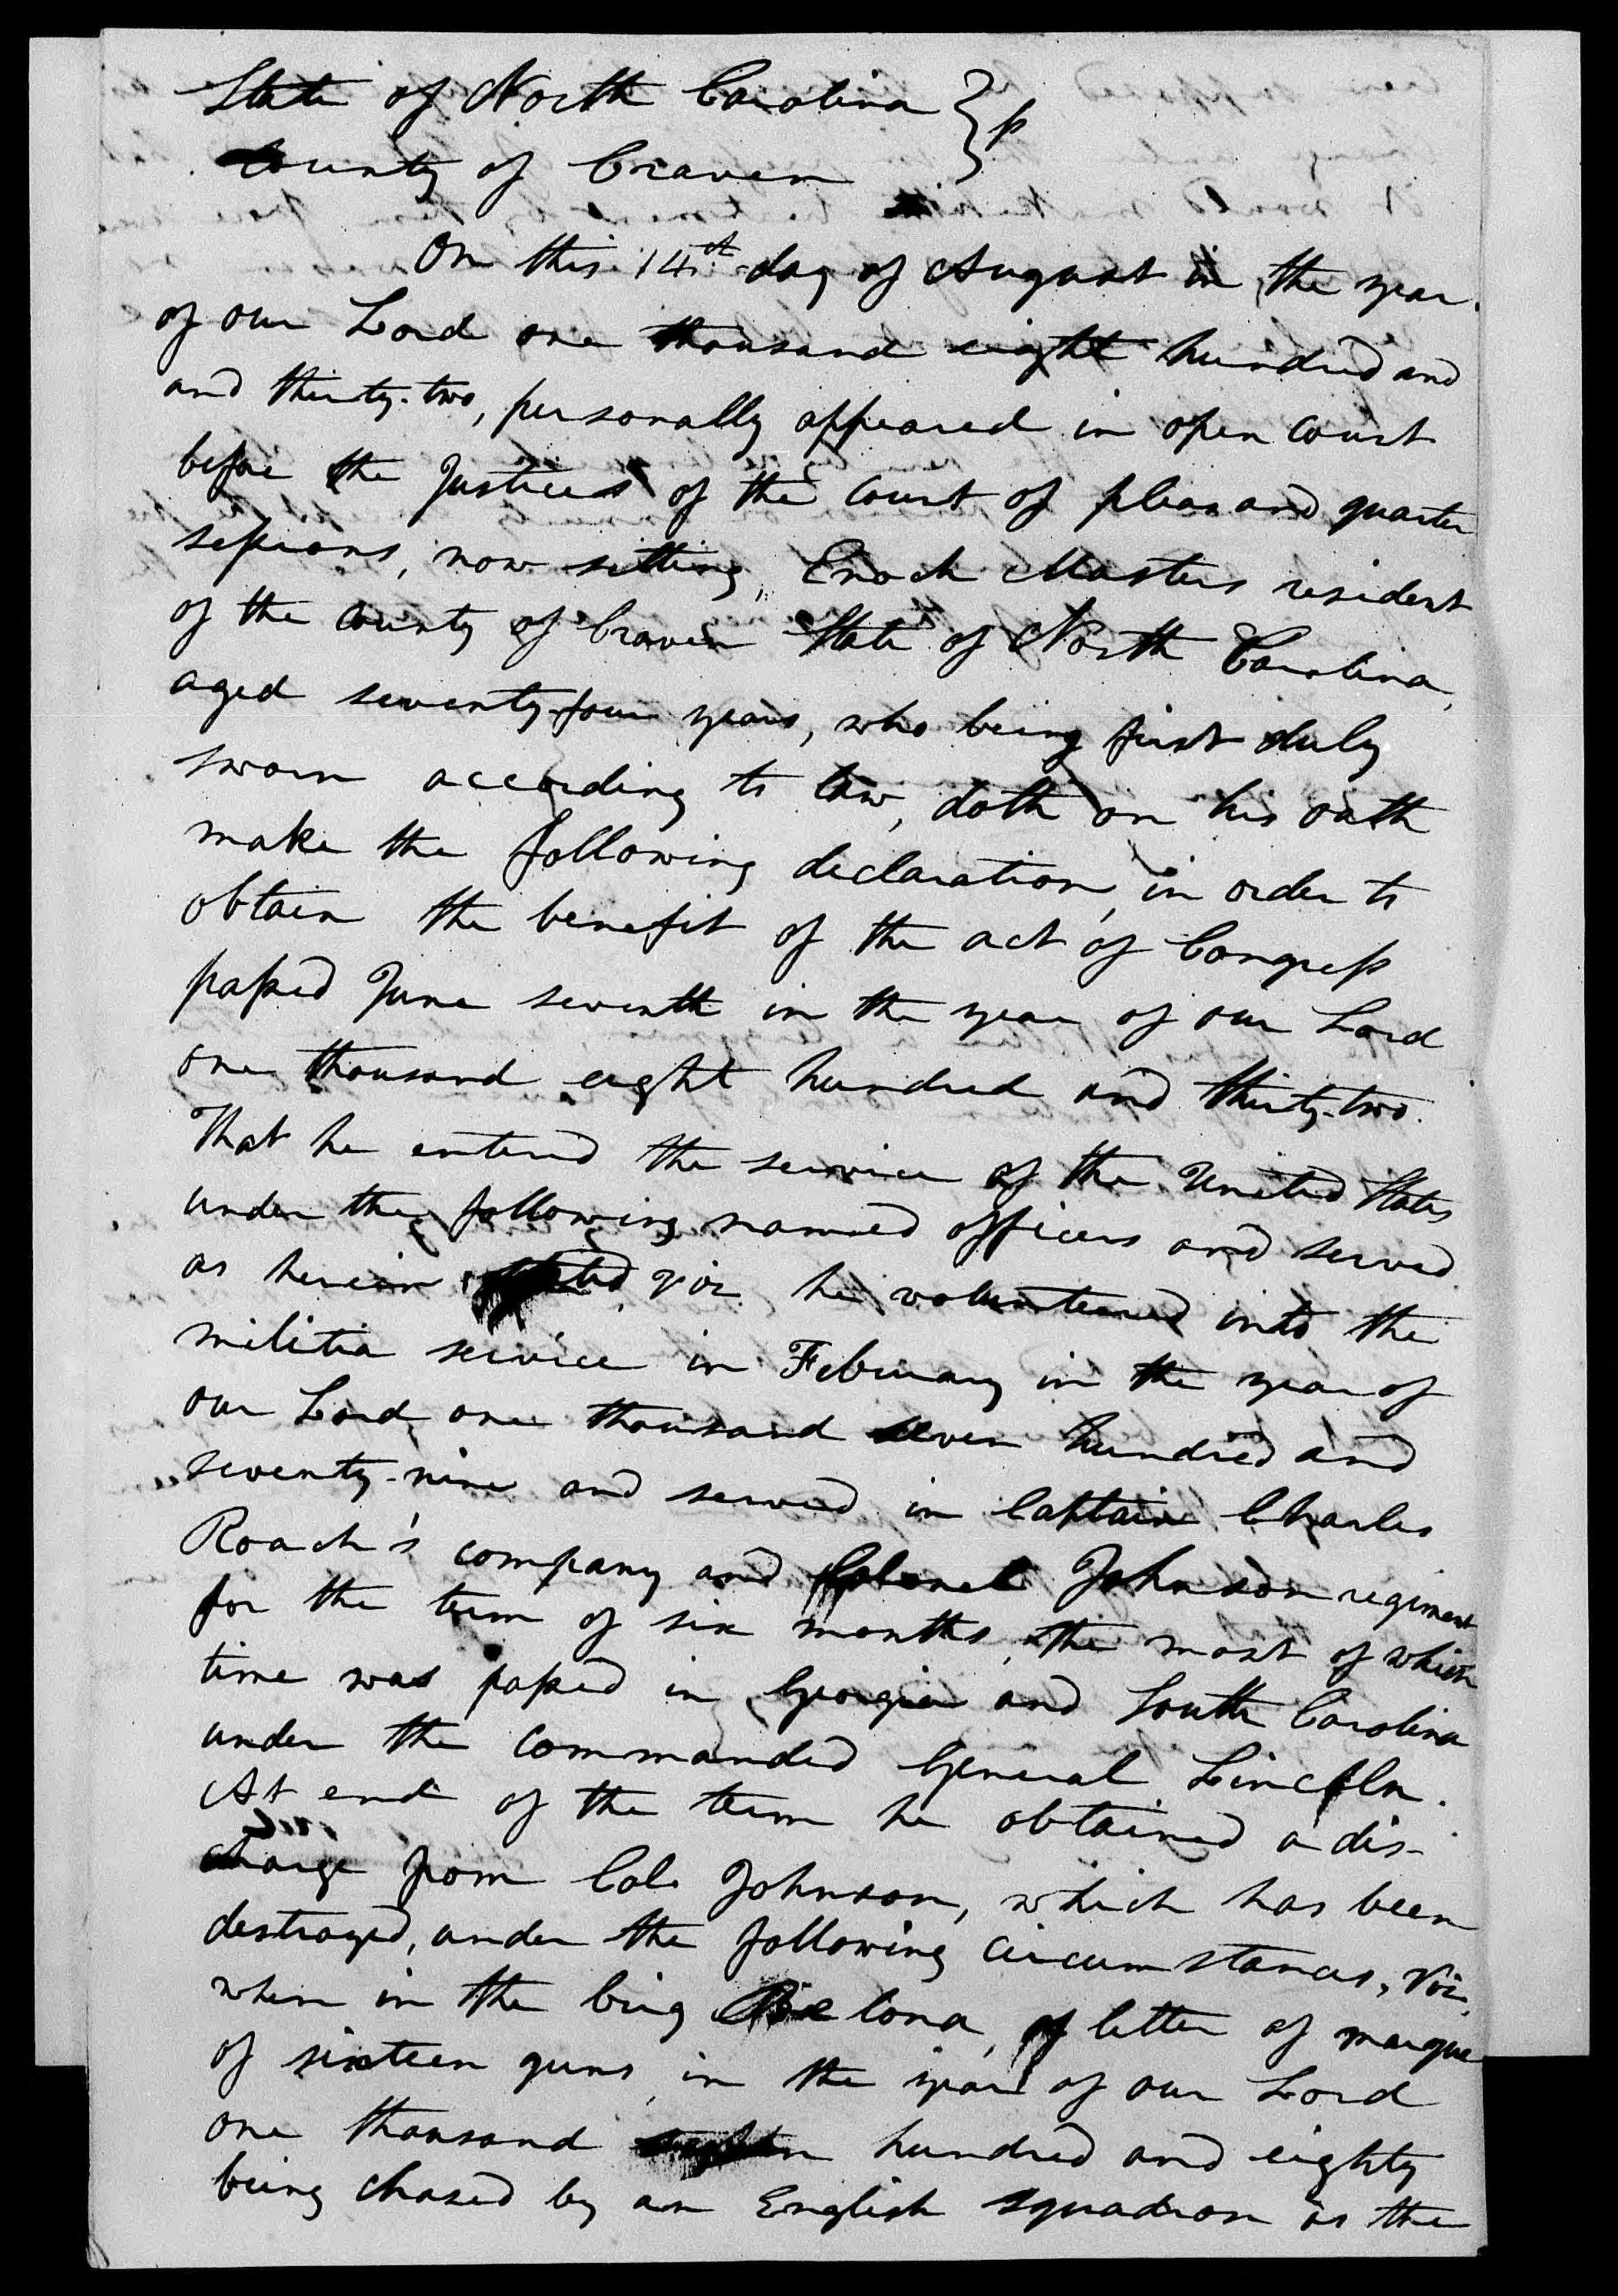State of North Carolina}
County of Craven}

On this 14th day of August in the year
of our Lord one thousand eight hundred and and thirty two, personally appeared in open Court before the Justices of the Court of Pleas and quarter sessions now sitting Enoch Masters resident of the County of Craven State of North Carolina aged seventy four years, who being first duly sworn according to law, doth on his oath make the following declaration in order to
obtain the benefit of the act of Congress passed June seventh in the year of our Lord
one thousand eight hundred and thirty two.
That he entered the service of the United States under the following named officers
and served as herein [illegible] viz he volunterred into the militia service in February in the year of our Lord one thousand seven hundred and Seventy nine and served
in Captain Charles Roach's company and Colonel Johnson regiment for the term of six months the most of which
time was passed in Georgia and South Carolina
under the commanded General Lincoln.
At end of the term he obtained a discharge from Col Johnson, which has been destroyed under the following circumstances, Viz
when in the big [illegible] of letter of marqueof
sixteen guns in the year of our Lord
one thousand eight hundred and eighty
being chased by an English squadron as the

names: Enoch Masters; [BLANK] Johnson; [BLANK] Lincoln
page: 6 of 15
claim: survivor's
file: S. 2749, for Enoch Masters, North Carolina